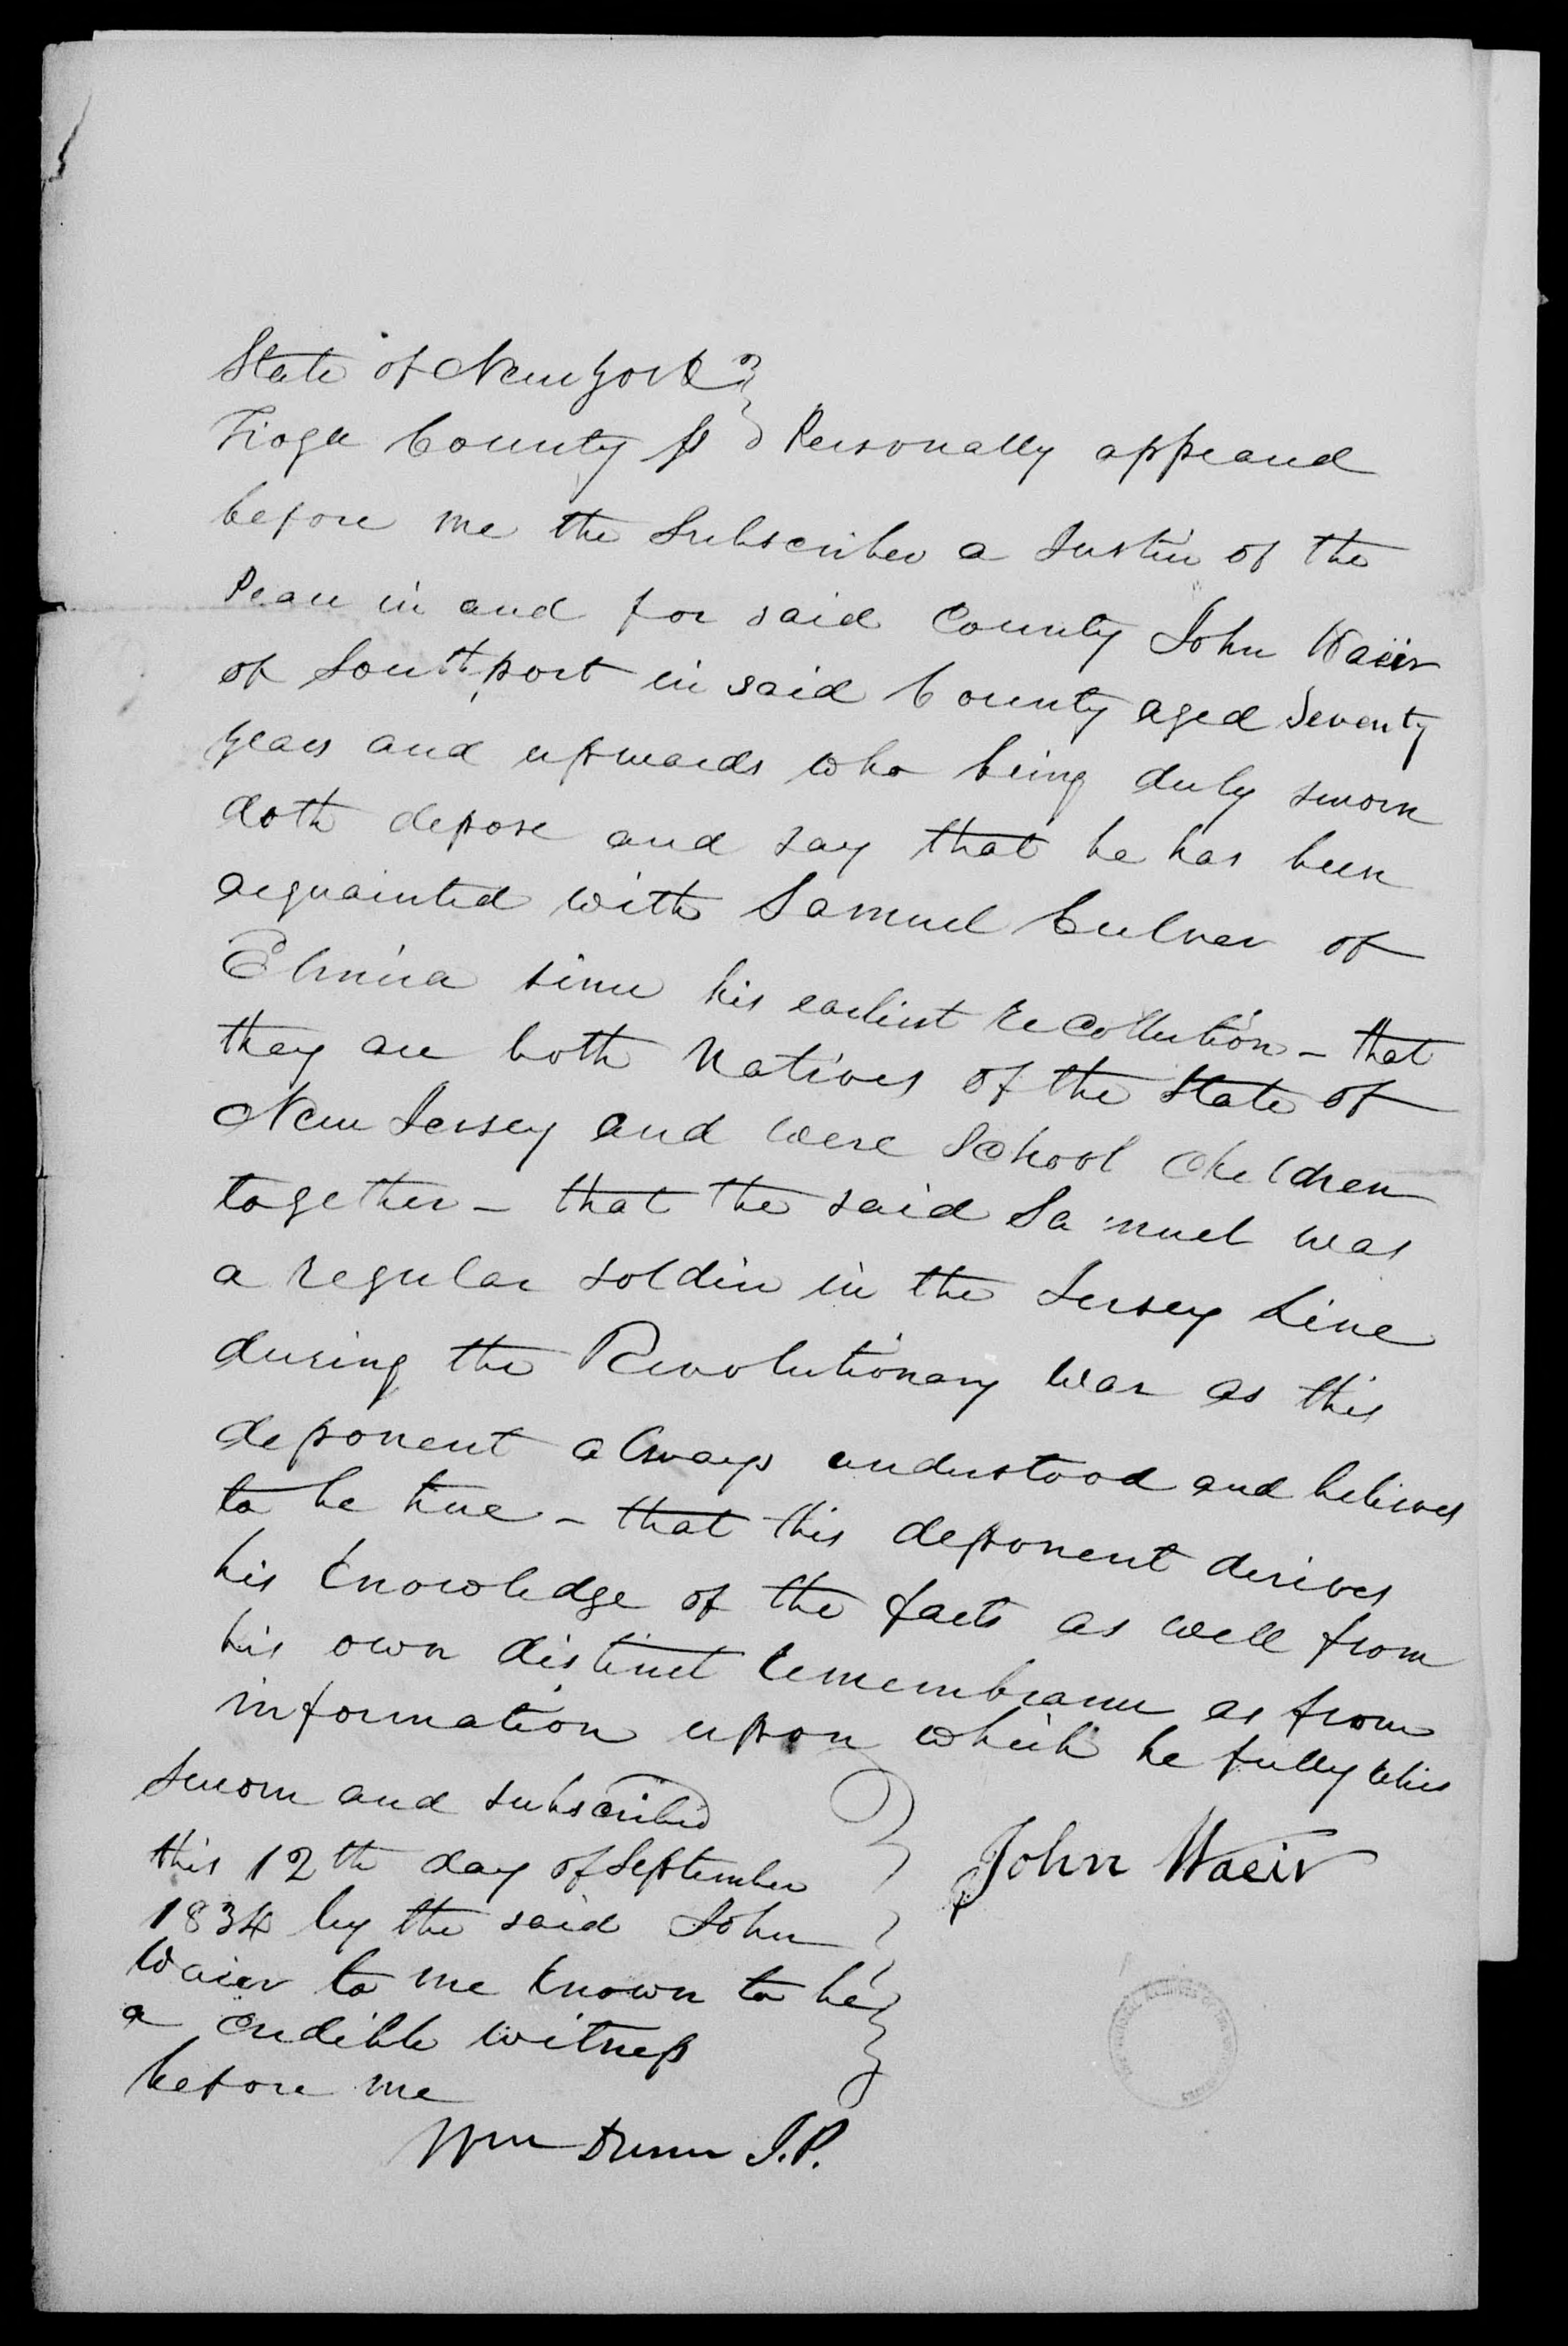State of New York   )
Tioga County ss.     )      

Personally appeared
before me the Subscriber a Just of the
Peace in and for said County John Waier
of Southport in said County aged Seventy
years and upwards who being duly sworn
doth depose and say that he has been
acquainted with Samuel Culver of
Elmira since his earliest recollection – that
they are both natives of the State of 
New Jersey and were school children
together – that the said Samuel was 
a regular soldier in the Jersey line 
during the Revolutionary War as this
deponent always understood and believe 
the be true – that this deponent derides
his knowledge of the facts as well from 
his own distinct remembrance as from
information upon which he full relies

John Waeir [signature]

Sworn and subscribe
this 12th day of September
1834 by the said John 
Waier to me know to be
a credible witness
before me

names: John Waier, John Waeir, Wm Dunn, John Waeir, Samuel Culver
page: 39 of 40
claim: rejected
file: R. 1,570, Samuel Culver, New Jersey